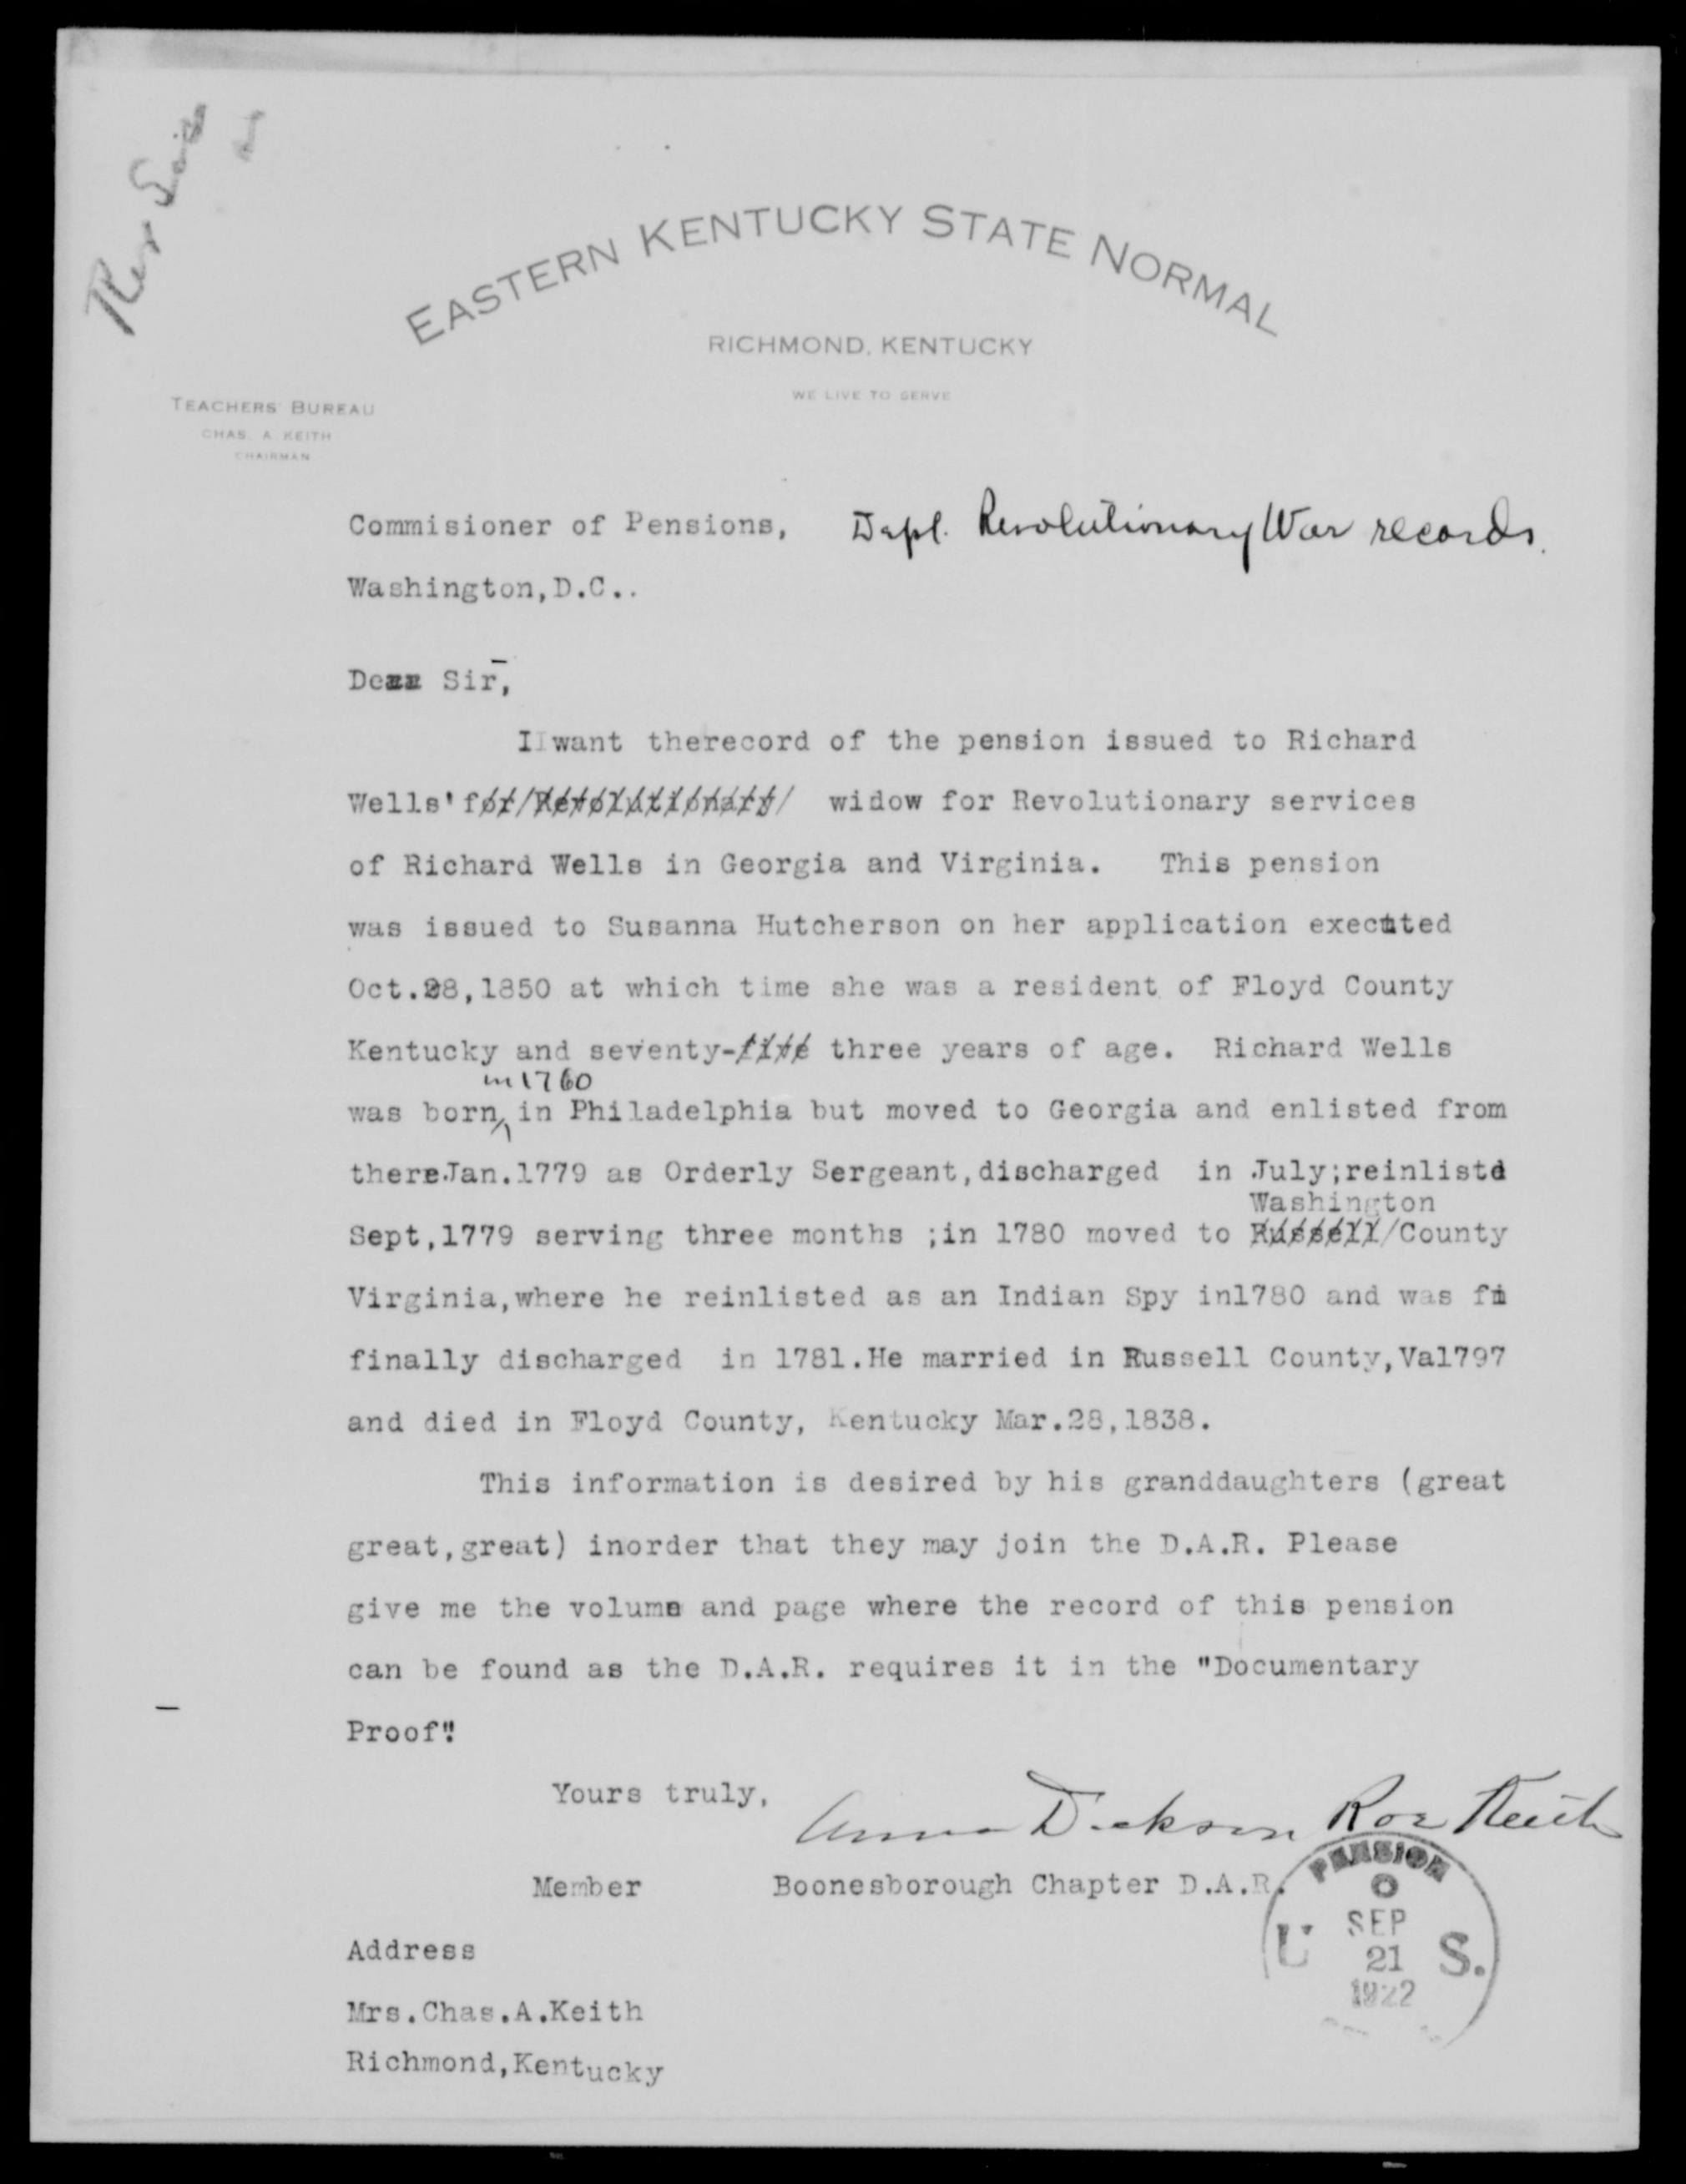EASTERN KENTUCKY STATE NORMAL
RICHMOND KENTUCKY
WE LIVE TO SERVE

TEACHERS BUREAU
CHAS A KEITH
CHAIRMAN

Commisioner of Pensions, Dept. Revolutionary War record
Washington, D.C.
Dear Sir,
I want the record of the pension issued to Richard
Wells’ widow for Revolutionary services
of Richard Wells in Georgia and Virginia. This pension
was issued to Susanna Hutcherson on her application executed
Oct. 28, 1850 at which time she was a resident of Floyd County
Kentucky and seventy-three years of age. Richard Wells
was born in 1760 in Philadelphia but moved to Georgia and enlisted from
there Jan. 1779 as Orderly Sergeant, discharged in July, reinlisted
Sept, 1779 serving three months; in 1780 moved to Washington County
Virginia, where he reinlisted as an Indian Spy in 1780 and was 
finally discharged in 1781. He married in Russell County, Va. 1797
and died in Floyd County, Kentucky Mar. 28, 1838.
This information is desired by his granddaughters (great
great, great) inorder that they may join the D.A.R. Please
give me the volume and page where the record of this pension
can be found as the D.A.R. requires it in the " Documentary
Proof"
Yours truly,
Anne Dickson Ros Keith
Member Boonesborough Chapter

Address
Mrs. Chas. A. Keith
Richmond, Kentucky

[circle stamp-RIght margin]
PENSION OFFICE U S
SEP 21 1922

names: Richard Wells, Ros Keith, Peter, Susanna Hutcherson, Chas A Keith, Chas, Anna Dickson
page: 84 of 100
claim: widow's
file: W. 6437, Richard Wells, Ga Va.